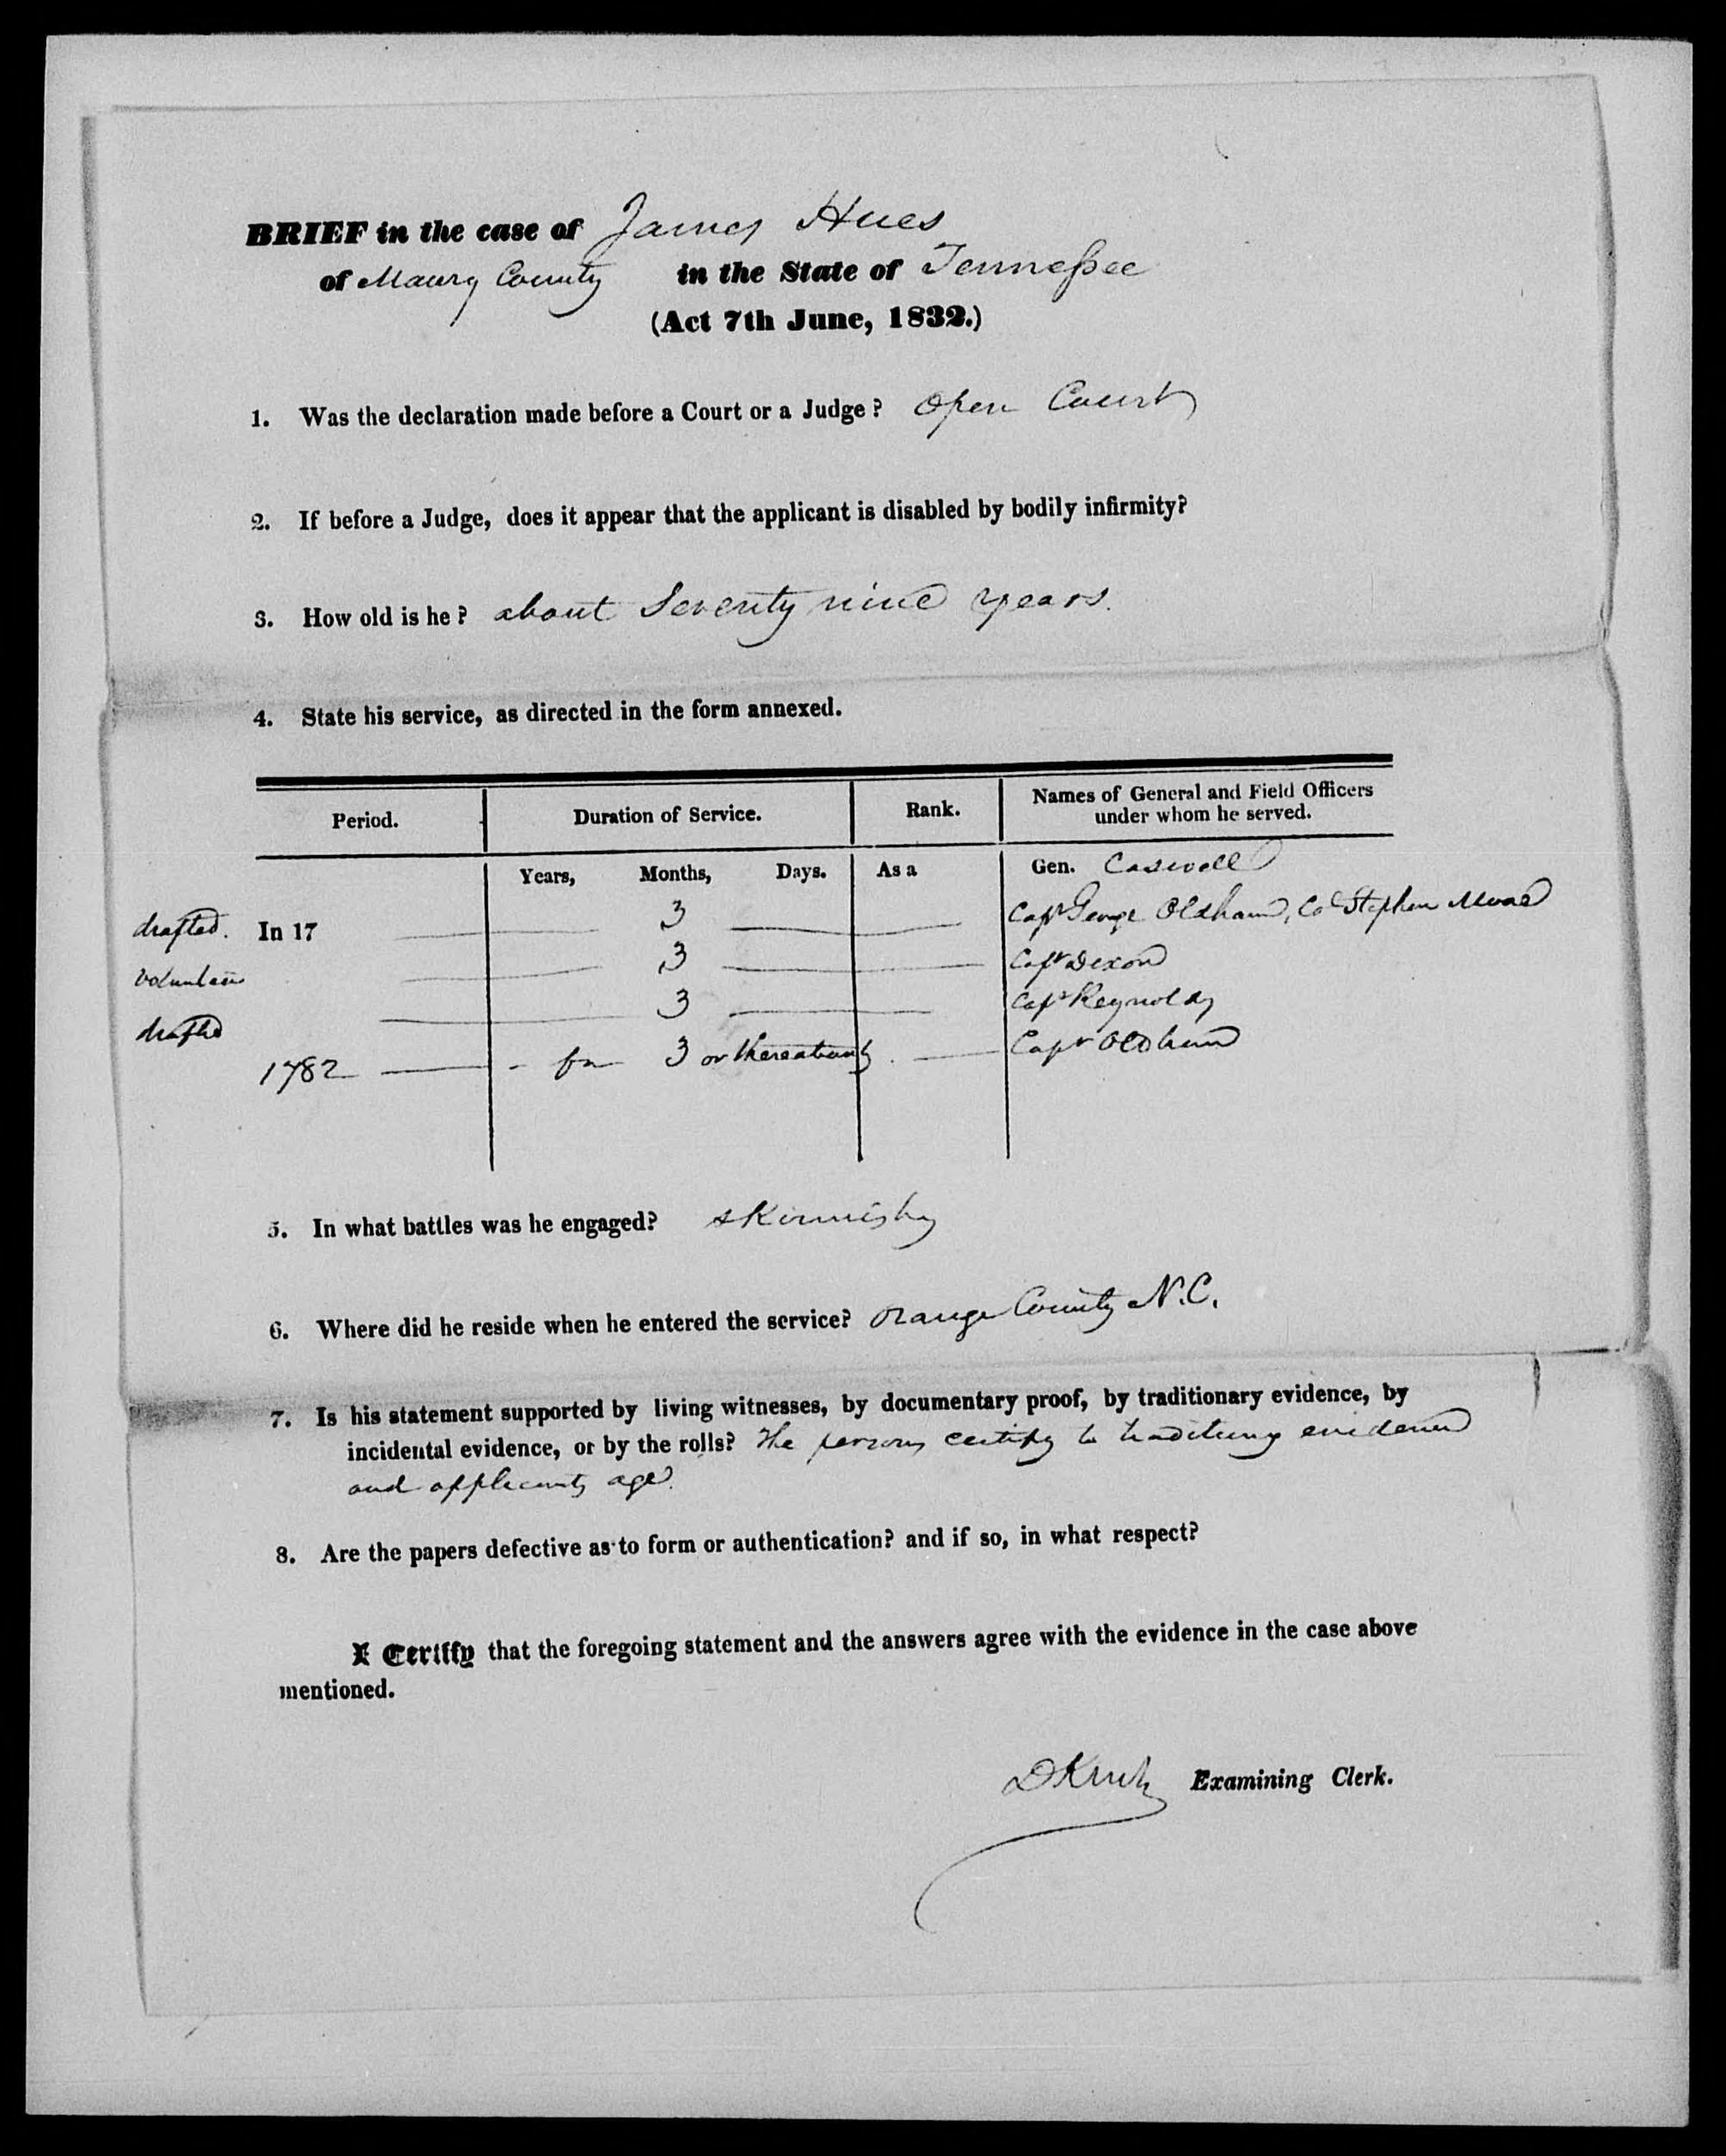(pre-printed form, answers  follow questions)

BRIEF in the case of : James Hues
of Maury County in the State of Tennessee
Act 7th June 1832

1. Was the declaration made before a Court or a Judge? 
Open court.
2. If before a judge, does it appear that the applicant is disabled by bodily infirmity?
 (not answered)
3. How old is he? 
About seventy nine years
4. State his service, as directed in the form annexed.
(Columns for Period, Duration of Service, Rank, and Names of General and Field Officers under whom he served.)

drafted in 17-- served 3 months no rank noted General Caswell, Capt. George Oldham, Col Stephen Moore

volunteered--no date noted, 3 months, no rank noted Capt. Dexon

volunteered, no date noted, 3 months, no rank noted, Capt. Reynolds

drafted 1782, served 3 months or thereabouts, no rank noted, Capt. Oldham

5. In what battles was he engaged? Skirmishing.

6. Where did he reside when he entered the service?
Orange County, N.C.

7. Is his statement supported by living witnesses, by documentary proof, by traditionary evidence, by incidental evidence, or by the rolls?
The persons certify to handwriting evidence and applicant's age.

8. Are the papers defective as to form or authentication and if so in what respect?
(no answer given)

*Certify that the foregoing statement and answers agree with the evidence in the case above mentioned.

(signature of) D. Kurtz, Examining Clerk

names: Caswell, James Hues, D Kurt, Stephen Moore, Oldham, Reynolds, Dexon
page: 15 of 24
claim: rejected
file: R. 5342, James Hues, N.C.